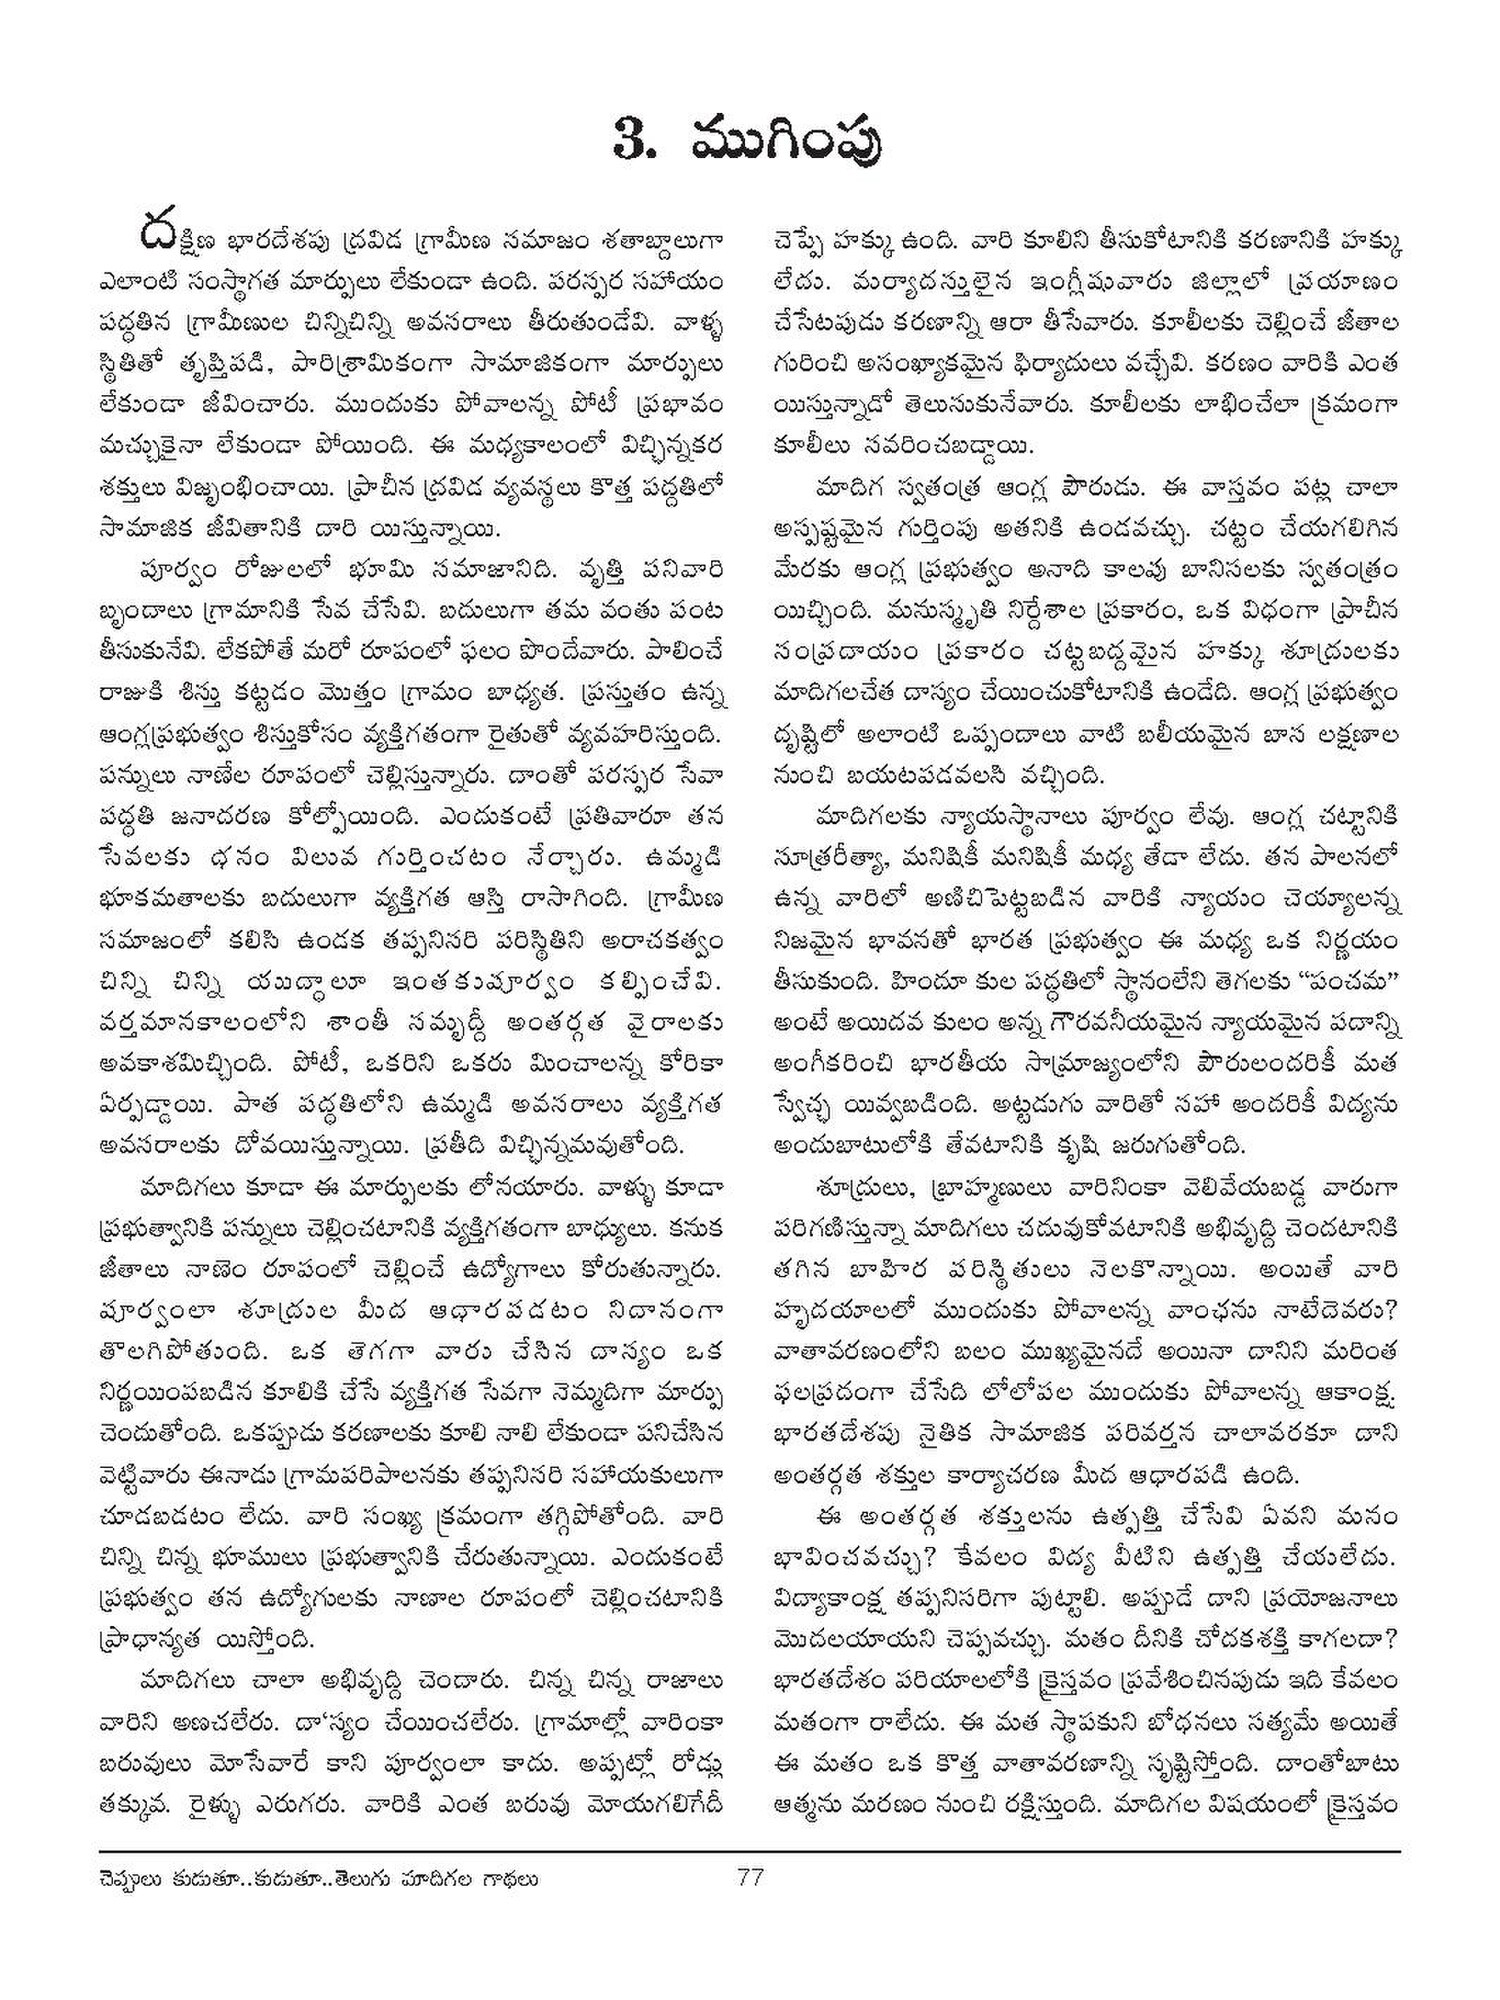3. ముగింపు

క్షిణ భారదేశపు ద్రవిడ గ్రామీణ సమాజం శతాబ్దాలుగా ఎలాంటి సంస్థాగత మార్పులు లేకుండా ఉంది. పరస్పర సహాయం పద్ధతిన గ్రామీణుల చిన్నిచిన్ని అవసరాలు తీరుతుండేవి. వాళ్ళ స్థితితో తృప్తిపడి, పారిశ్రామికంగా సామాజికంగా మార్పులు లేకుండా జీవించారు. ముందుకు పోవాలన్న పోటీ ప్రభావం మచ్చుకైనా లేకుండా పోయింది. ఈ మధ్యకాలంలో విచ్ఛిన్నకర శక్తులు విజృంభించాయి. ప్రాచీన ద్రవిడ వ్యవస్థలు కొత్త పద్దతిలో సామాజిక జీవితానికి దారి యిస్తున్నాయి.

పూర్వం రోజులలో భూమి సమాజానిది. వృత్తి పనివారి బృందాలు గ్రామానికి సేవ చేసేవి. బదులుగా తమ వంతు పంట తీసుకునేవి. లేకపోతే మరో రూపంలో ఫలం పొందేవారు. పాలించే రాజుకి శిస్తు కట్టడం మొత్తం గ్రామం బాధ్యత. ప్రస్తుతం ఉన్న ఆంగ్లప్రభుత్వం శిస్తుకోసం వ్యక్తిగతంగా రైతుతో వ్యవహరిస్తుంది.
పన్నులు నాణేల రూపంలో చెల్లిస్తున్నారు. దాంతో పరస్పర సేవా పద్ధతి జనాదరణ కోల్పోయింది. ఎందుకంటే ప్రతివారూ తన సేవలకు ధనం విలువ గుర్తించటం నేర్చారు. ఉమ్మడి భూకమతాలకు బదులుగా వ్యక్తిగత ఆస్తి రాసాగింది. గ్రామీణ సమాజంలో కలిసి ఉండక తప్పనిసరి పరిస్థితిని అరాచకత్వం
చిన్ని చిన్ని యుద్ధాలూ ఇంతకుపూర్వం కల్పించేవి. వర్తమానకాలంలోని శాంతి సమృద్దీ అంతర్గత వైరాలకు
అవకాశమిచ్చింది. పోటీ, ఒకరిని ఒకరు మించాలన్న కోరికా ఏర్పడ్డాయి. పాత పద్ధతిలోని ఉమ్మడి అవసరాలు వ్యక్తిగత అవసరాలకు దోవయిస్తున్నాయి. ప్రతీది విచ్ఛిన్నమవుతోంది.

మాదిగలు కూడా ఈ మార్పులకు లోనయారు. వాళ్ళు కూడా ప్రభుత్వానికి పన్నులు చెల్లించటానికి వ్యక్తిగతంగా బాధ్యులు. కనుక జీతాలు నాణెం రూపంలో చెల్లించే ఉద్యోగాలు కోరుతున్నారు. పూర్వంలా శూద్రుల మీద ఆధారపడటం నిదానంగా తొలగిపోతుంది. ఒక తెగగా వారు చేసిన దాస్యం ఒక
నిర్ణయింపబడిన కూలికి చేసే వ్యక్తిగత సేవగా నెమ్మదిగా మార్పు చెందుతోంది. ఒకప్పుడు కరణాలకు కూలి నాలి లేకుండా పనిచేసిన వెట్టివారు ఈనాడు గ్రామపరిపాలనకు తప్పనిసరి సహాయకులుగా చూడబడటం లేదు. వారి సంఖ్య క్రమంగా తగ్గిపోతోంది. వారి చిన్ని చిన్న భూములు ప్రభుత్వానికి చేరుతున్నాయి. ఎందుకంటే ప్రభుత్వం తన ఉద్యోగులకు నాణాల రూపంలో చెల్లించటానికి ప్రాధాన్యత యిస్తోంది.

మాదిగలు చాలా అభివృద్ధి చెందారు. చిన్న చిన్న రాజాలు వారిని అణచలేరు. దాస్యం చేయించలేరు. గ్రామాల్లో వారింకా బరువులు మోసేవారే కాని పూర్వంలా కాదు. అప్పట్లో రోడ్లు తక్కువ. రైళ్ళు ఎరుగరు. వారికి ఎంత బరువు మోయగలిగేదీ చెప్పే హక్కు ఉంది. వారి కూలిని తీసుకోటానికి కరణానికి హక్కు లేదు. మర్యాదస్తులైన ఇంగ్లీషువారు జిల్లాలో ప్రయాణం చేసేటపుడు కరణాన్ని ఆరా తీసేవారు. కూలీలకు చెల్లించే జీతాల గురించి అసంఖ్యాకమైన ఫిర్యాదులు వచ్చేవి. కరణం వారికి ఎంత యిస్తున్నాడో తెలుసుకునేవారు. కూలీలకు లాభించేలా క్రమంగా కూలీలు సవరించబడ్డాయి.

మాదిగ స్వతంత్ర ఆంగ్ల పౌరుడు. ఈ వాస్తవం పట్ల చాలా అస్పష్టమైన గుర్తింపు అతనికి ఉండవచ్చు. చట్టం చేయగలిగిన మేరకు ఆంగ్ల ప్రభుత్వం అనాది కాలవు బానిసలకు స్వతంత్రం యిచ్చింది. మనుస్మృతి నిర్దేశాల ప్రకారం, ఒక విధంగా ప్రాచీన సంప్రదాయం ప్రకారం చట్టబద్దమైన హక్కు శూద్రులకు
మాదిగలచేత దాస్యం చేయించుకోటానికి ఉండేది. ఆంగ్ల ప్రభుత్వం దృష్టిలో అలాంటి ఒప్పందాలు వాటి బలీయమైన బాస లక్షణాల నుంచి బయటపడవలసి వచ్చింది.

మాదిగలకు న్యాయస్థానాలు పూర్వం లేవు. ఆంగ్ల చట్టానికి సూత్రరీత్యా, మనిషికీ మనిషికీ మధ్య తేడా లేదు. తన పాలనలో ఉన్న వారిలో అణిచిపెట్టబడిన వారికి న్యాయం చెయ్యాలన్న నిజమైన భావనతో భారత ప్రభుత్వం ఈ మధ్య ఒక నిర్ణయం తీసుకుంది. హిందూ కుల పద్ధతిలో స్థానంలేని తెగలకు “పంచమ” అంటే అయిదవ కులం అన్న గౌరవనీయమైన న్యాయమైన పదాన్ని అంగీకరించి భారతీయ సామ్రాజ్యంలోని పౌరులందరికీ మత స్వేచ్ఛ యివ్వబడింది. అట్టడుగు వారితో సహా అందరికీ విద్యను
అందుబాటులోకి తేవటానికి కృషి జరుగుతోంది.

శూద్రులు, బ్రాహ్మణులు వారినింకా వెలివేయబడ్డ వారుగా పరిగణిస్తున్నా మాదిగలు చదువుకోవటానికి అభివృద్ధి చెందటానికి తగిన బాహిర పరిస్థితులు నెలకొన్నాయి. అయితే వారి హృదయాలలో ముందుకు పోవాలన్న వాంఛను నాటేదెవరు? వాతావరణంలోని బలం ముఖ్యమైనదే అయినా దానిని మరింత
ఫలప్రదంగా చేసేది లోలోపల ముందుకు పోవాలన్న ఆకాంక్ష. భారతదేశపు నైతిక సామాజిక పరివర్తన చాలావరకూ దాని అంతర్గత శక్తుల కార్యాచరణ మీద ఆధారపడి ఉంది.

ఈ అంతర్గత శక్తులను ఉత్పత్తి చేసేవి ఏవని మనం భావించవచ్చు? కేవలం విద్య వీటిని ఉత్పత్తి చేయలేదు. విద్యాకాంక్ష తప్పనిసరిగా పుట్టాలి. అప్పుడే దాని ప్రయోజనాలు మొదలయాయని చెప్పవచ్చు. మతం దీనికి చోదకశక్తి కాగలదా? భారతదేశం పరియాలలోకి క్రైస్తవం ప్రవేశించినపుడు ఇది కేవలం
మతంగా రాలేదు. ఈ మత స్థాపకుని బోధనలు సత్యమే అయితే ఈ మతం ఒక కొత్త వాతావరణాన్ని సృష్టిస్తోంది. దాంతోబాటు ఆత్మను మరణం నుంచి రక్షిస్తుంది. మాదిగల విషయంలో 'క్రైస్తవం